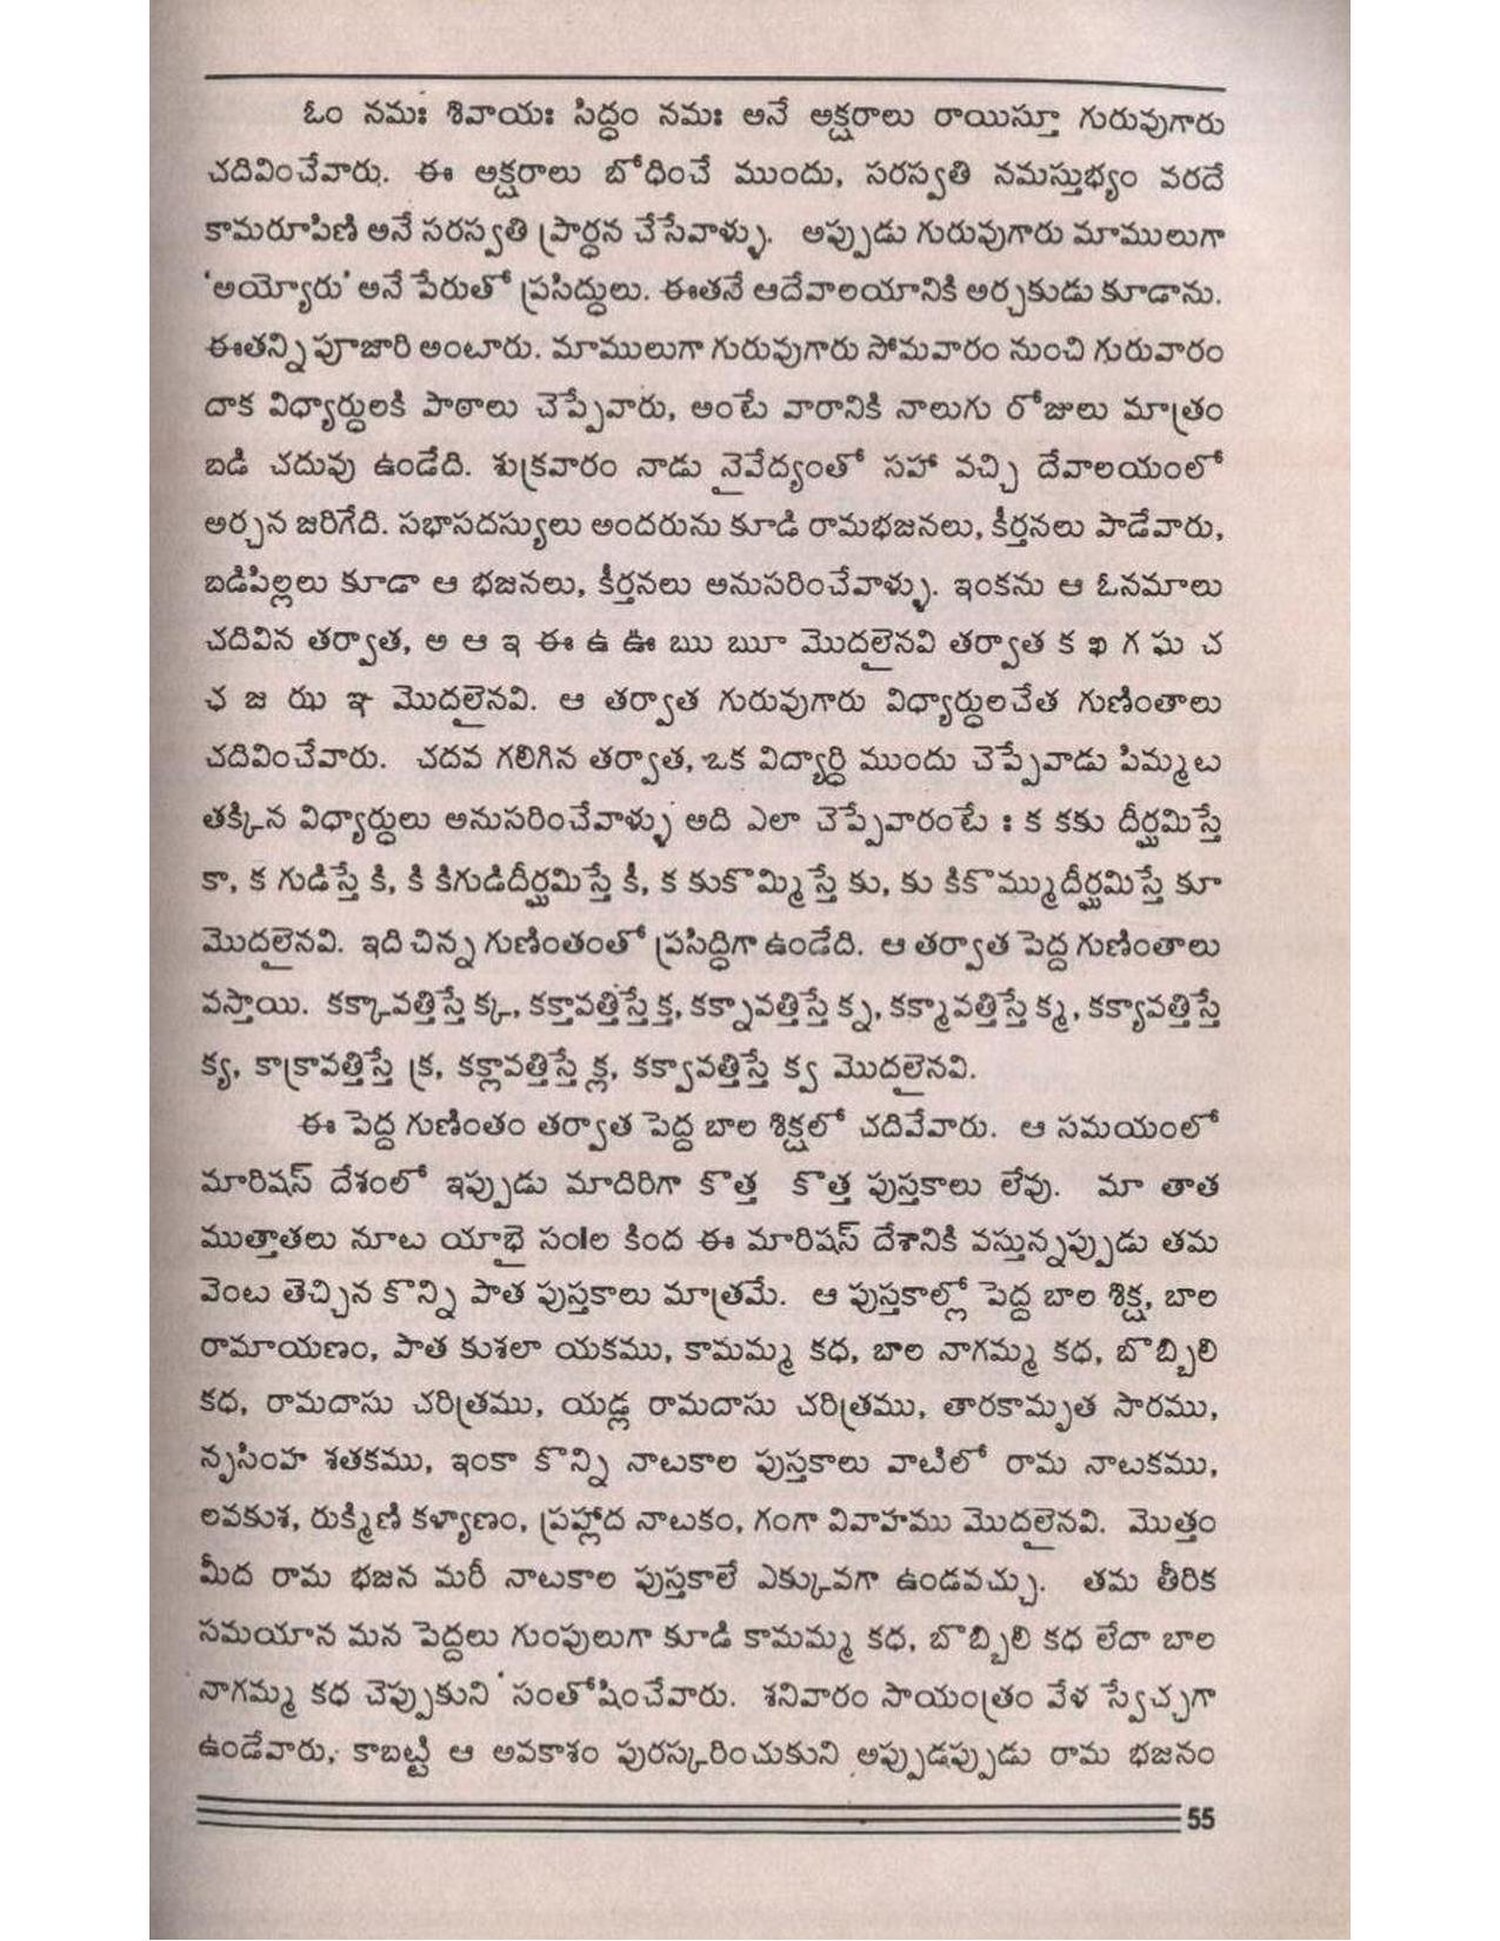ఓం నమః శివాయః సిద్ధం నమః అనే అక్షరాలు రాయిస్తూ గురువుగారు చదివించేవారు. ఈ అక్షరాలు బోధించే ముందు, సరస్వతి నమస్తుభ్యం వరదే కామరూపిణి అనే సరస్వతి ప్రార్ధన చేసేవాళ్ళు. అప్పుడు గురువుగారు మాములుగా 'అయ్యోరు' అనే పేరులో ప్రసిద్దులు. ఈతనే ఆదేవాలయానికి అర్చకుడు కూడాను. ఈతన్ని పూజారి అంటారు. మాములుగా గురువుగారు సోమవారం నుంచి గురువారం దాక విధ్యార్ధులకి పాఠాలు చెప్పేవారు, అంటే వారానికి నాలుగు రోజులు మాత్రం బడి చదువు ఉండేది. శుక్రవారం నాడు నైవేద్యంతో సహా వచ్చి దేవాలయంలో అర్చన జరిగేది. సభాసదస్యులు అందరును కూడి రామభజనలు, కీర్తనలు పాడేవారు, బడిపిల్లలు కూడా ఆ భజనలు, కీర్తనలు అనుసరించేవాళ్ళు. ఇంకను ఆ ఓనమాలు చదివిన తర్వాత, అ ఆ ఇ ఈ ఉ ఊ ఋు ఋూ మొదలైనవి తర్వాత క ఖ గ ఘ చ చ జ ఝ ఞ మొదలైనవి. ఆ తర్వాత గురువుగారు విధ్యార్ధులచేత గుణింతాలు చదివించేవారు. చదవగలిగిన తర్వాత, ఒక విద్యార్ధి ముందు చెప్పేవాడు పిమ్మట తక్కిన విధ్యార్ధులు అనుసరించేవాళ్ళు అది ఎలా చెప్పేవారంటే : క కు దీర్ఘమిస్తే కా, క గుడిస్తే కి, కి కి గుడిదీర్ఘమిస్తే కీ, క కుకొమ్మిస్తే కు, కు కికొమ్ముదీర్ఘమిస్తే కూ మొదలైనవి. ఇది చిన్న గుణింతంతో ప్రసిద్దిగా ఉండేది. ఆ తర్వాత పెద్ద గుణింతాలు వస్తాయి. కక్కావత్తిస్తేక్క కక్తావత్తిస్తేక్త, కక్నావత్తిస్తే క్న, కక్మావత్తిస్తేక్మ, కక్యావత్తిస్తే క్య, కాక్రావత్తిస్తే క్ర, కక్షావత్తిస్తే క్ష, కక్వావత్తిస్తే క్వ మొదలైనవి.

ఈ పెద్ద గుణింతం తర్వాత పెద్ద బాల శిక్షలో చదివేవారు. ఆ సమయంలో మారిషస్ దేశంలో ఇప్పుడు మాదిరిగా కొత్త కొత్త పుస్తకాలు లేవు. మా తాత ముత్తాతలు నూట యాభై సం॥ల క్రింద ఈ మారిషస్ దేశానికి వస్తున్నప్పుడు తమ వెంట తెచ్చిన కొన్ని పాత పుస్తకాలు మాత్రమే. ఆ పుస్తకాల్లో పెద్ద బాల శిక్ష, బాల రామాయణం, పాత కుశలా యకము, కామమ్మ కధ, బాలి నాగమ్మ కధ, బొబ్బిలి కధ, రామదాసు చరిత్రము, యడ్ల రామదాసు చరిత్రము, తారకామృత సారము, నృసింహ శతకము, ఇంకా కొన్ని నాటకాల పుస్తకాలు వాటిలో రామ నాటకము, లవకుశ, రుక్మిణి కళ్యాణం, ప్రహ్లాద నాటకం, గంగా వివాహము మొదలైనవి. మొత్తం మీద రామ భజన మరీ నాటకాల పుస్తకాలే ఎక్కువగా ఉండవచ్చు. తమ తీరిక సమయాన మన పెద్దలు గుంపులుగా కూడి కామమ్మ కధ, బొబ్బిలి కధ లేదా బాల నాగమ్మ కధ చెప్పుకుని సంతోషించేవారు. శనివారం సాయంత్రం వేళ స్వేచ్చగా ఉండేవారు, కాబట్టి ఆ అవకాశం పురస్కరించుకుని అప్పుడప్పుడు రామ భజనం